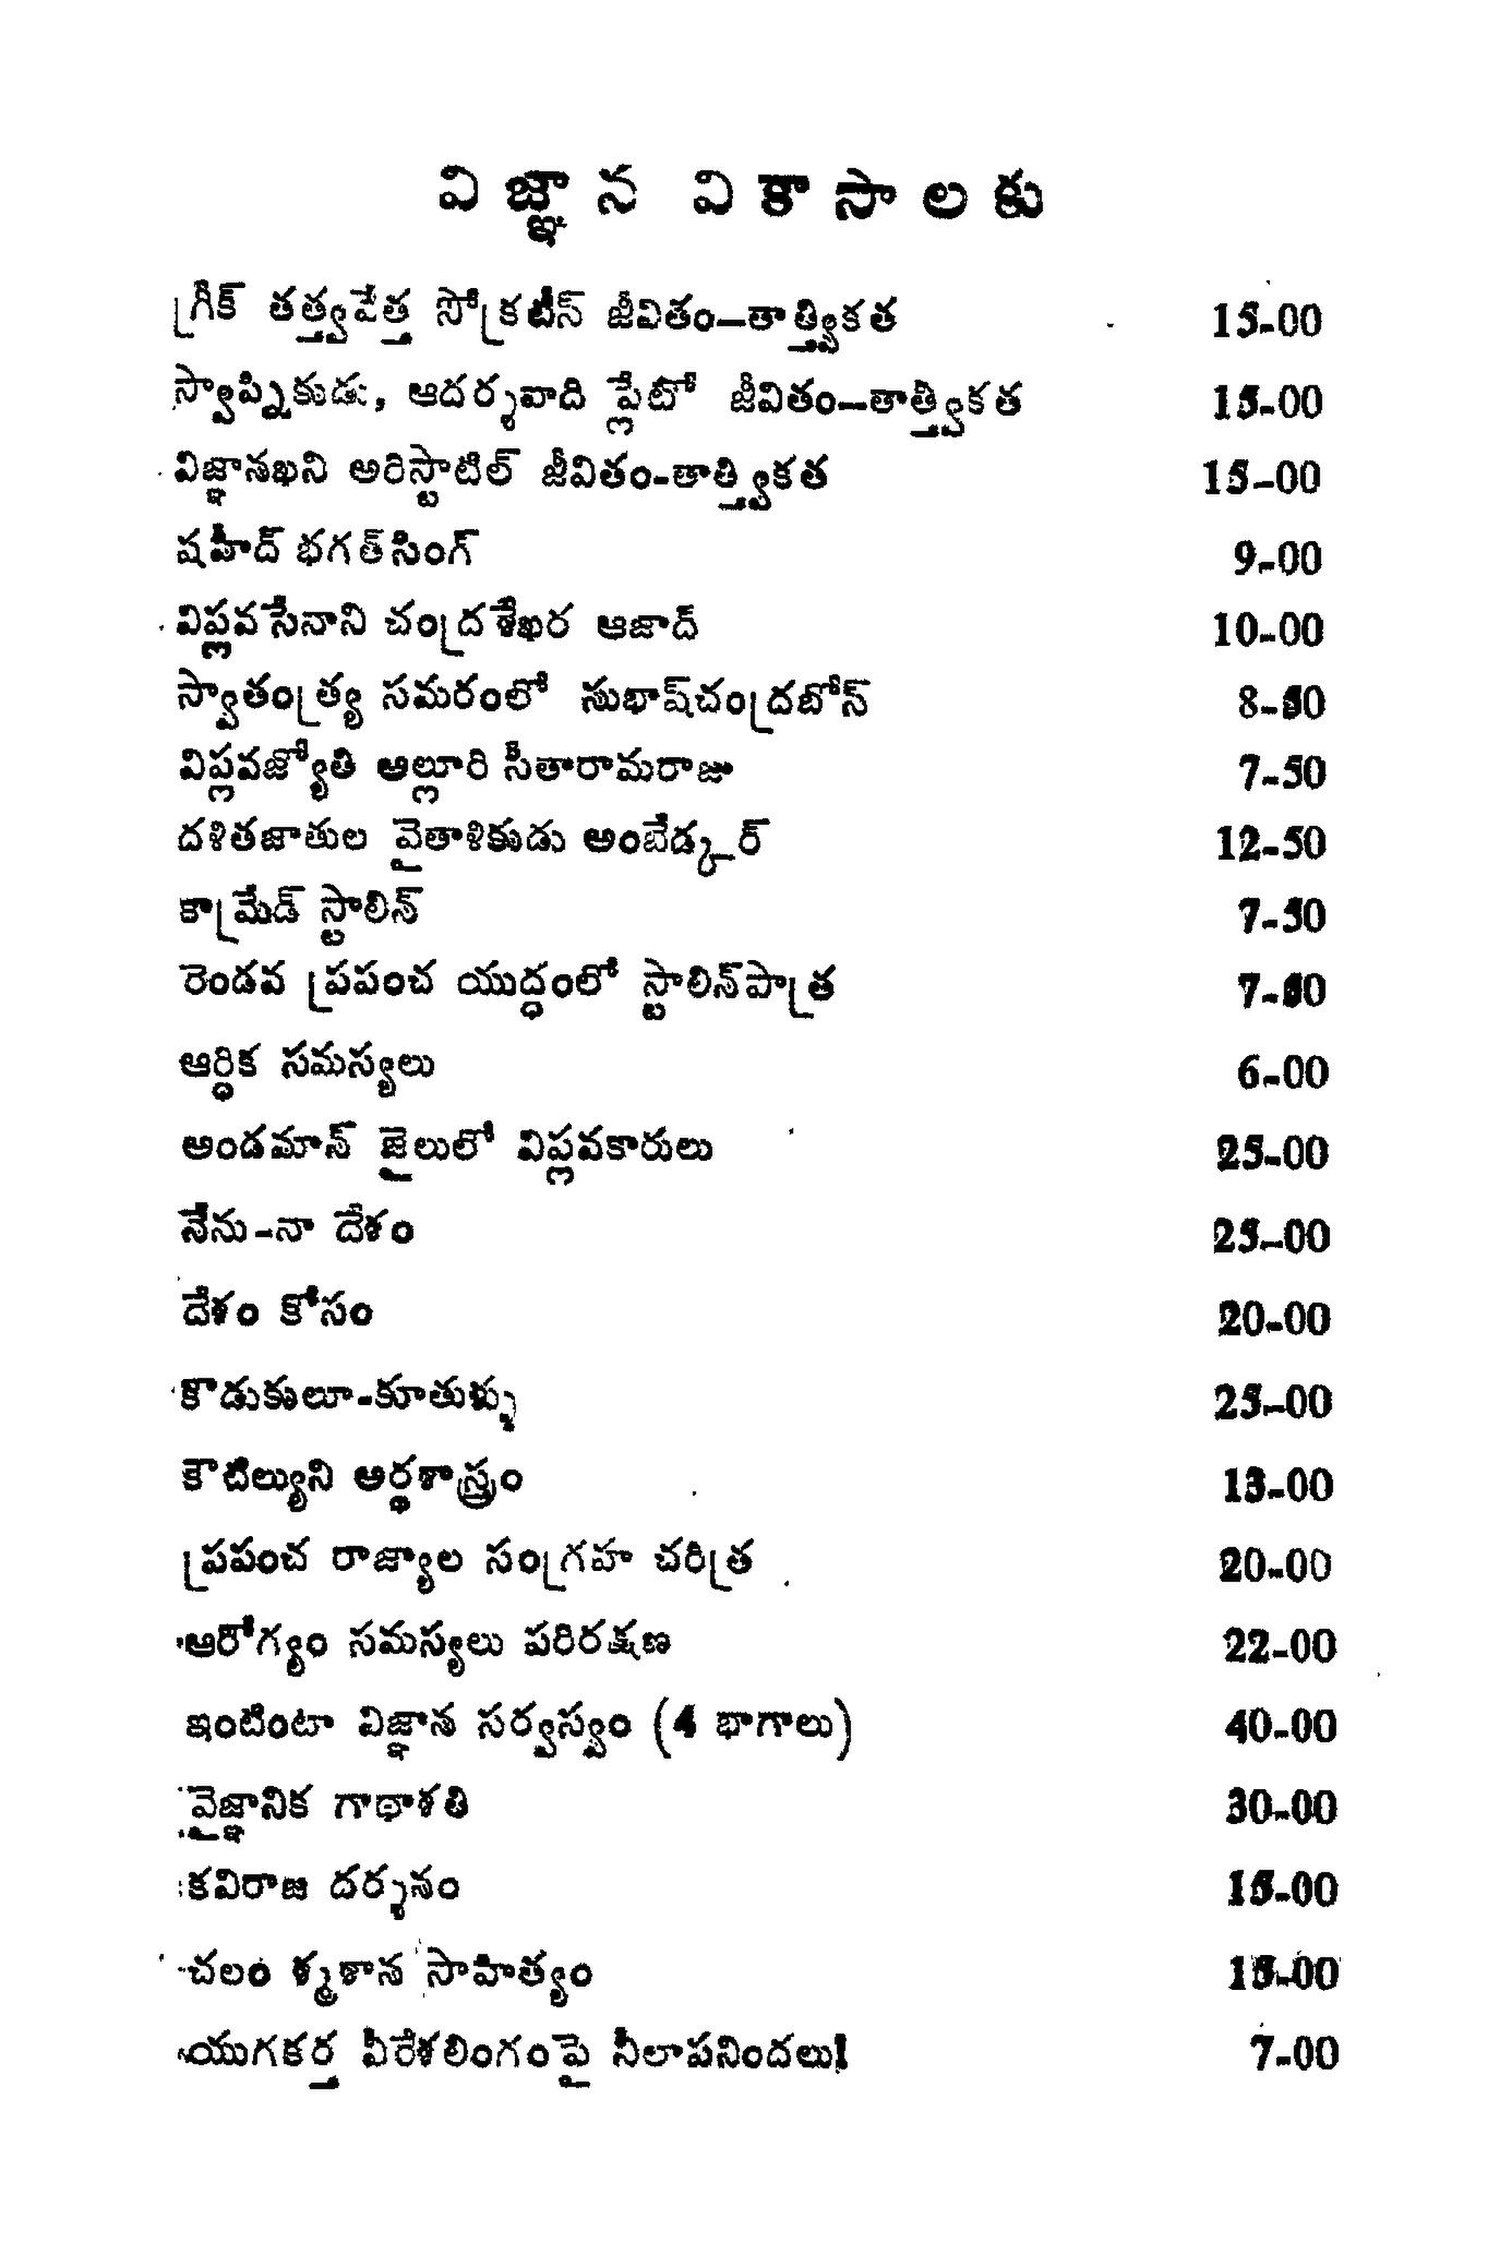విజ్ఞాన వికాసాలకు

గ్రీక్ తత్త్వవేత్త సోక్రటీస్ జీవితం-తాత్త్వికత 15-00

స్వాప్నికుడు, ఆదర్శవాది ప్లేటో జీవితం-తాత్త్వికత 15-00

విజ్ఞానఖని అరిస్టాటిల్ జీవితం-తాత్త్వికత 15-00

షహీద్ భగత్ సింగ్ 9-00

విప్లవసేనాని చంద్రశేఖర ఆజాద్ 10-00

స్వాతంత్ర్య సమరంలో సుభాస్‌చంద్రబోస్ 8-50

విప్లవజ్యోతి అల్లూరి సీతారామరాజు 7-50

దళితజాతుల వైతాళికుడు అంబేడ్కర్ 12-50

కామ్రేడ్ స్టాలిన్ 7-50

రెండవ ప్రపంచ యుద్ధంలో స్టాలిన్ పాత్ర 7-50

ఆర్థిక సమస్యలు 6-00

అండమాన్ జైలులో విప్లవకారులు 25-00

నేను-నా దేశం 25-00

దేశం కోసం 20-00

కొడుకులూ-కూతుళ్ళు 25-00

కౌటిల్యుని అర్థశాస్త్రం 13-00

ప్రపంచ రాజ్యాల సంగ్రహ చరిత్ర 20-00

ఆరోగ్యం సమస్యలు పరిరక్షణ 22-00

ఇంటింటా విజ్ఞాన సర్వస్వం (4 భాగాలు) 40-00

వైజ్ఞానిక గాథాశతి 30-00

కవిరాజ దర్శనం 15-00

చలం శ్మశాన సాహిత్యం 15-00

యుగకర్త వీరేశలింగంపై నీలాపనిందలు! 7-00